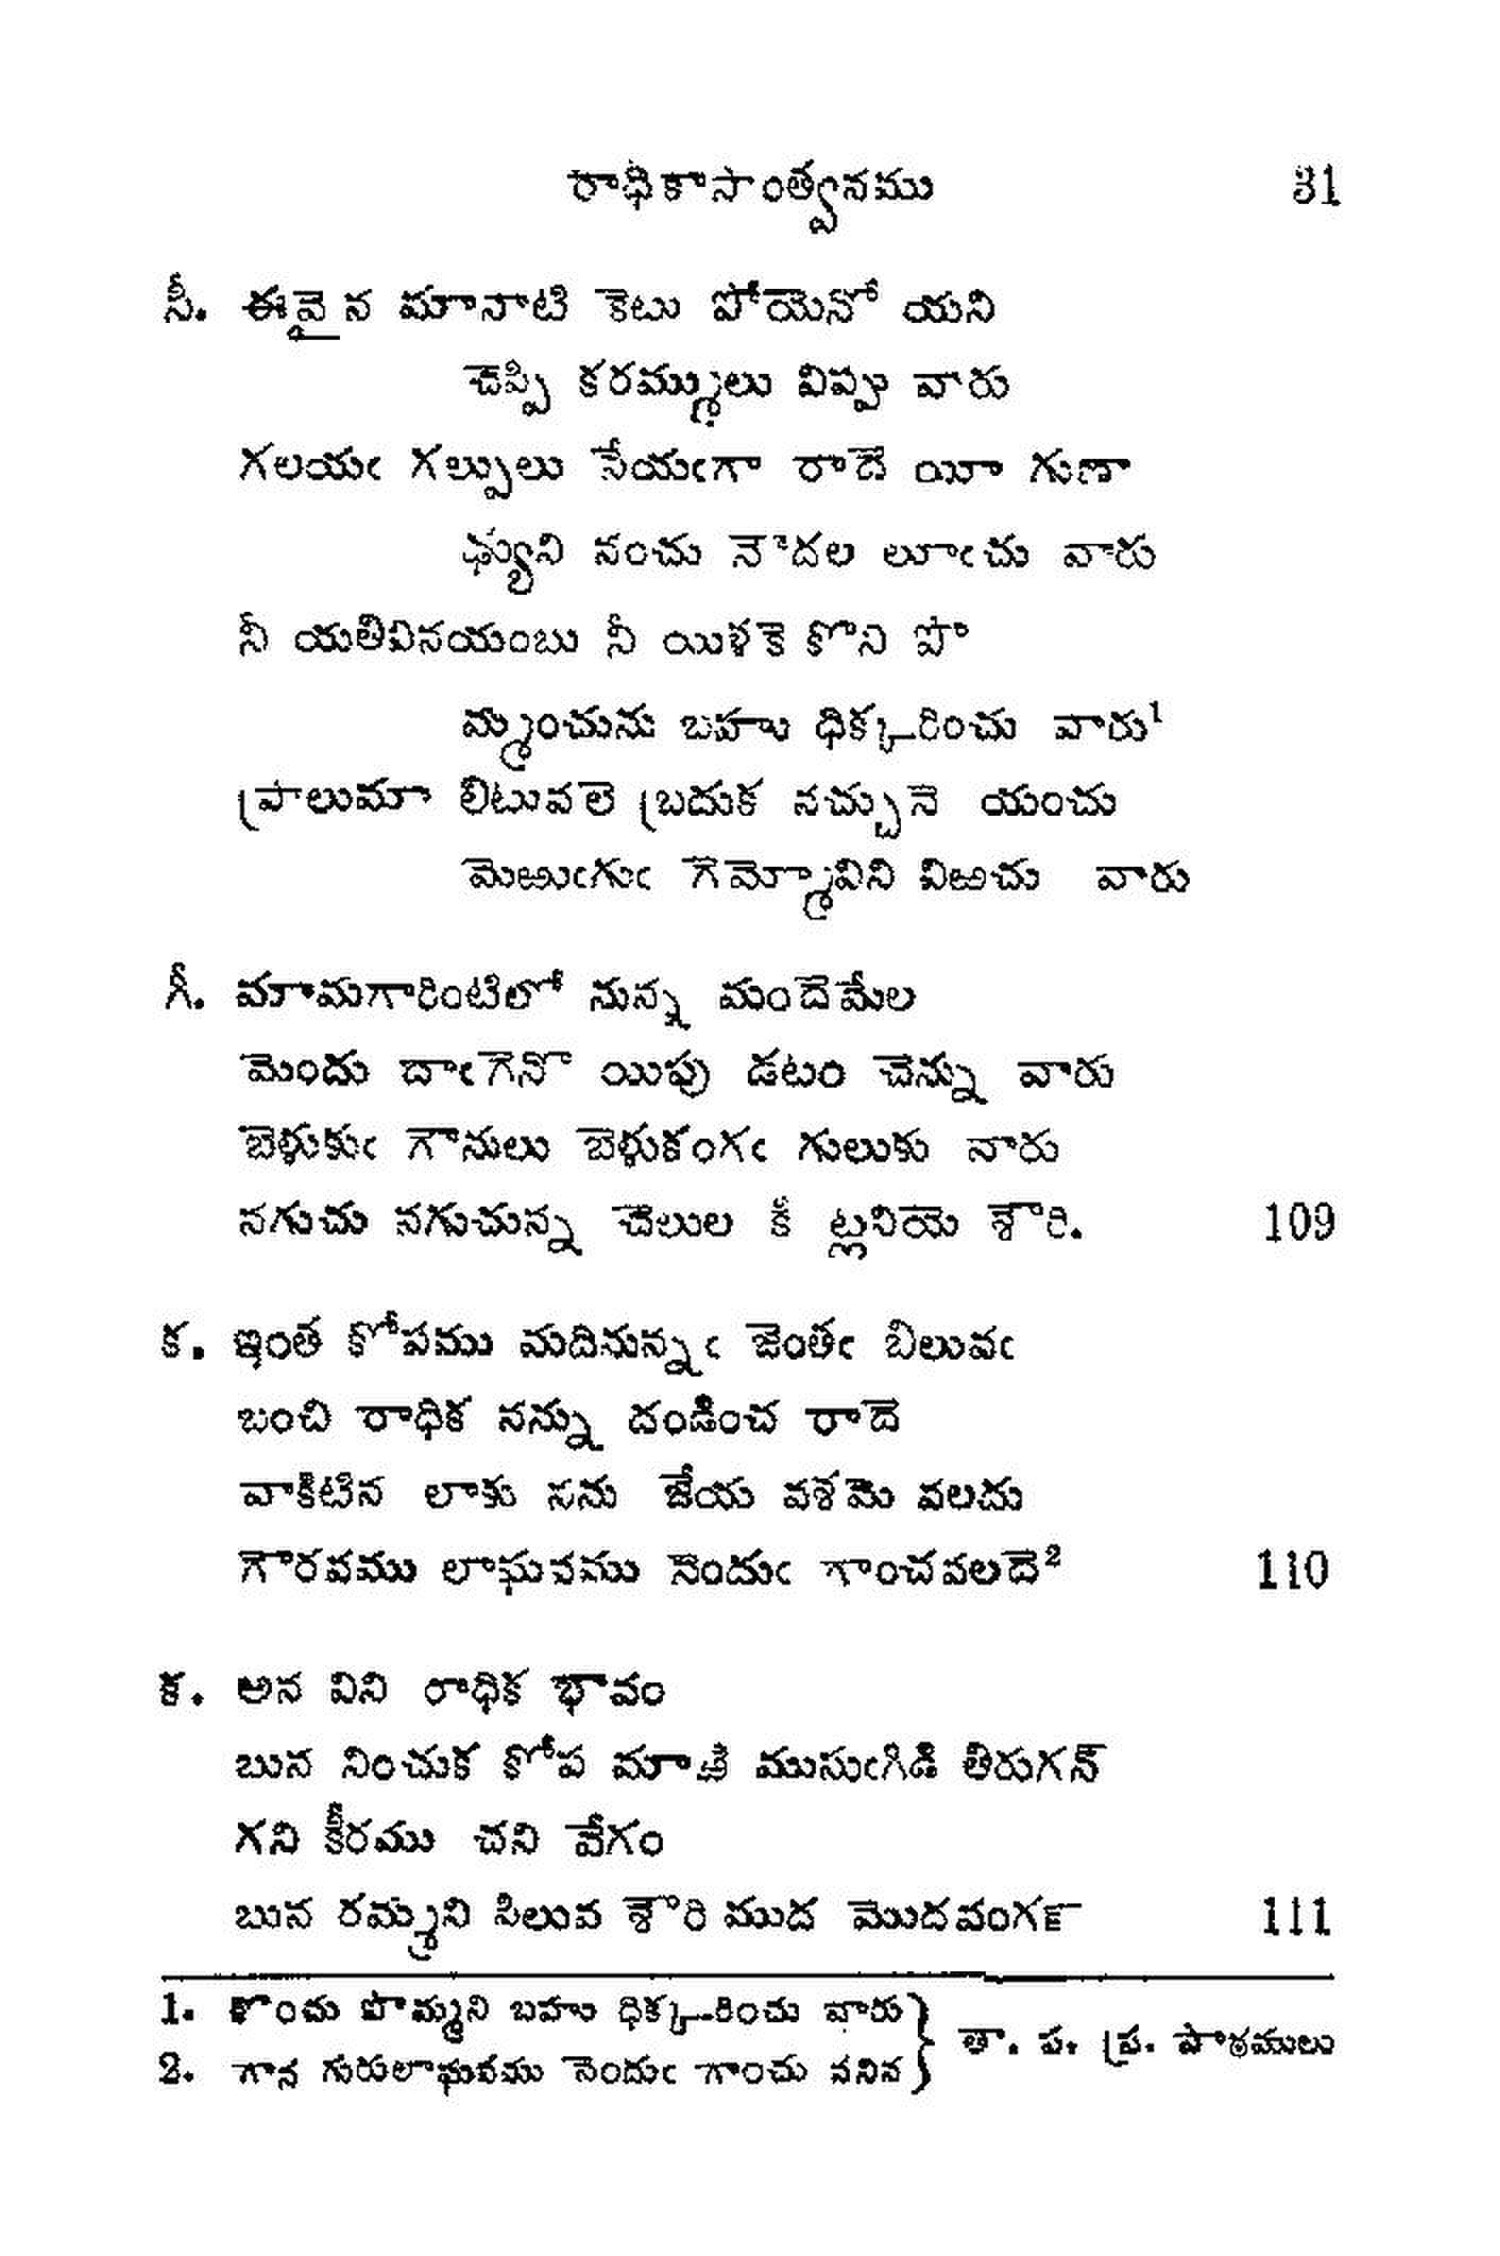సీ. ఈవైన మానాటి కెటు పోయెనో యని
చెప్పి కరమ్ములు విప్పువారు
గలయఁ గల్పులు సేయఁగా రాదె యీ గుణా
ఢ్యుని నంచు నౌదల లూఁచువారు
నీ యతివినయంబు నీ యిళకె కొని పొ
మ్మంచును బహుధిక్కరించువారు
ప్రాలుమా లిటువలె బ్రదుకవచ్చునె యంచు
మెఱుఁగుఁ గెమ్మోవిని విఱచువారు
గీ. మామగారింటిలో నున్న మందెమేల
మెందు దాఁగెనొ యిపు డటం చెన్నువారు
బెళుకుఁ గౌనులు బెళుకంగఁ గులుకువారు
నగుచు నగుచున్న చెలుల కి ట్లనియె శౌరి. 109

గీ. ఇంత కోపము మదినున్నఁ జెంతఁ బిలువఁ
బంచి రాధిక నన్ను దండించ రాదె
వాకిటిన లాకు నను జేయ వశమె వలదు
గౌరవము లాఘవము నెందుఁ గాంచవలదె. 110

క. అన విని రాధిక భావం
బున నించుక కోప మాఱి ముసుఁగిడి తిరుగన్
గని కీరము చని వేగం
బున రమ్మని పిలువ శౌరి ముద మొదవంగన్. 111